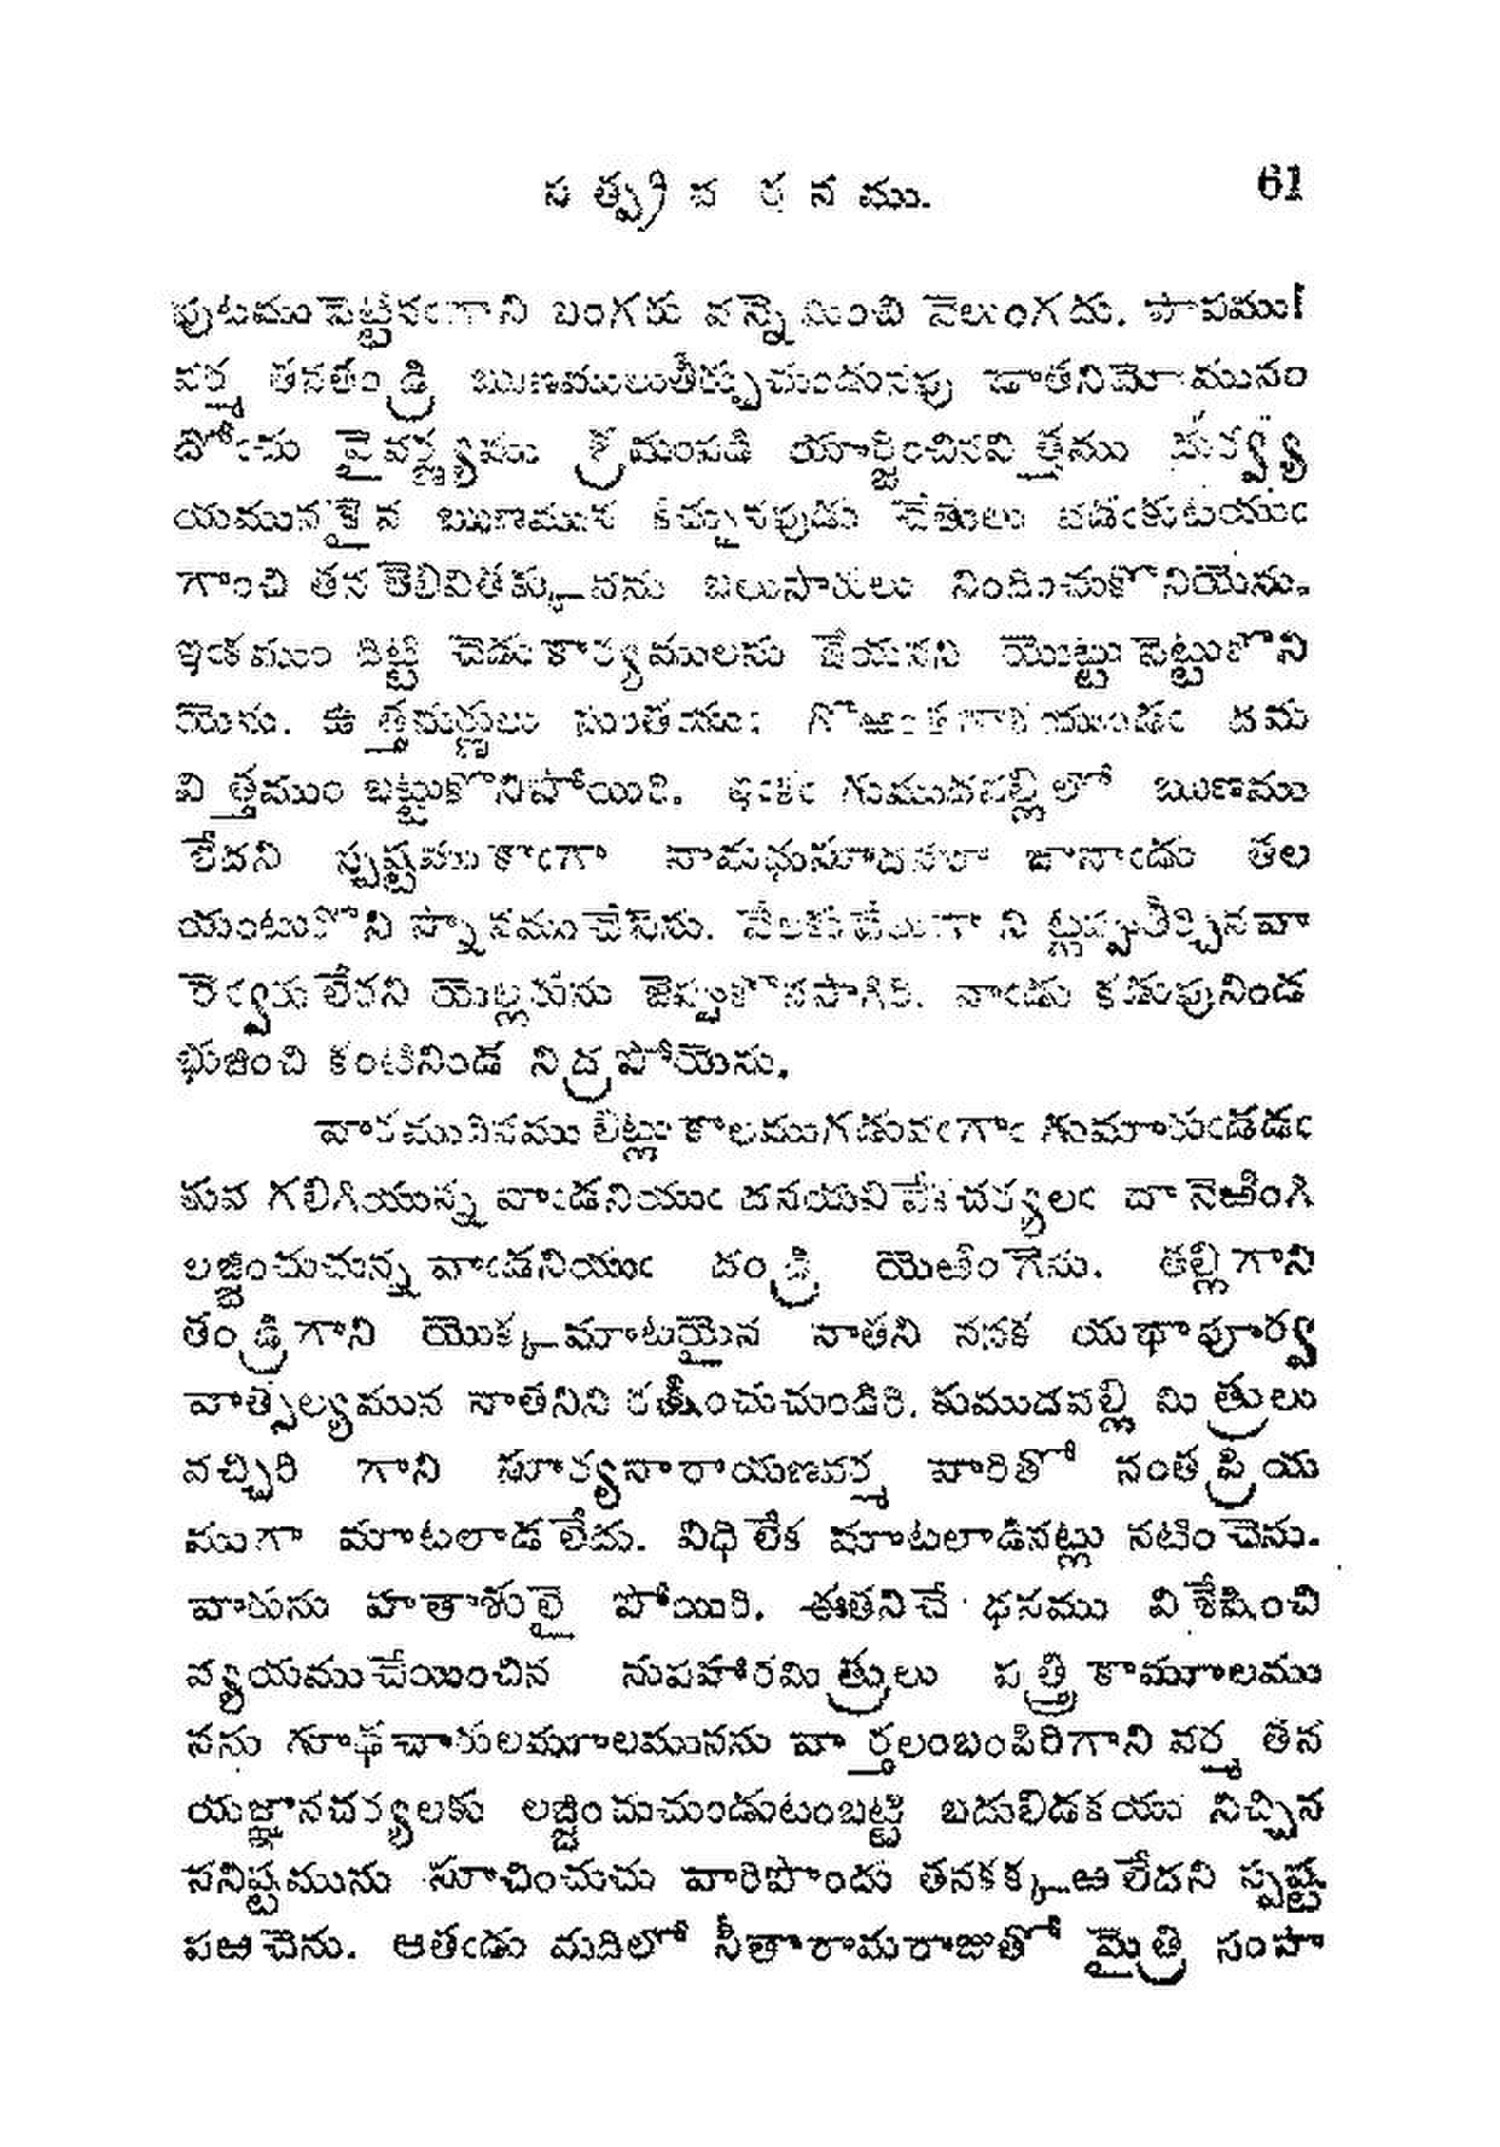పుటము పెట్టినంగాని బంగరు వన్నె మంచి వెలుంగదు. పాపము! తన తండ్రి ఋణములు తీర్పుచుండునపు డాతనిమోమునం దోచు వైవర్ణ్యము శ్రమంపడి యార్షించినవిత్తము దుర్యయమునకై ఋణమున కిచ్చునప్పుడు చేతులు వడుకుటయుఁ గాంచి తన తెలివితక్కునను బలుసారులు నిందించుకొనియెను. ఇంక ముందెట్టి చెడు కార్యములను చేయనని యెట్టు పెట్టుకొనియెను. ఉత్తసుద్దులు సుంతము గోరంఎతగాక యుండ దమ విత్తముం బట్టుకొని పోయిరి. ఇంక గుముదవల్లీ లో ఋణము లేదని స్పష్టము కాగా నామధుసూదన రాజానాఁడు తల యంటుకొని స్నానము చేసెను. నేలకు వేలుగా నిట్లప్పు తీర్చిన వారెవ్వరు లేరని యెల్లరును జెప్పుకొన నసారి. నాఁడు కడుపునిండ భుజించి కంటినిండ నిద్ర పోయెను,

వారము లెనము లిట్లు కాలము గడువఁగాఁ గుమారుడడకవ గలిగియున్న వాడనియుఁ దనయని పే చర్యలు దానెఱింగి లజ్జించుచున్న వాడనియుఁదండ్రియెరొంగెసు. తల్లి గాని తండ్రి గాని యొక్క మాటయైన నాతని ననక యథా పూర్వ వాత్సల్యమున నాతనిని రక్షించుచుండిరి. శుముదపల్లి మిత్రులు వచ్చిరి గానీ సూర్యనారాయణవర్మ వారితో నంతప్రియముగా మాటలాడ లేదు. విధి లేక మాటలాడినట్లు నటించెను. వారును హతాశులై పోయి, ఈతనిచే ధనము విశ్లేషించి వ్యయము చేయించిన సుపహారమిత్రులు పత్రికామూలమునను గూఢచారుల మూలమునను వార్తలంబంపిరి గాని వర్మ తన యజ్ఞానచర్యలకు లజ్జిం చుచుండుటంబట్టి బదులిడకయు నిచ్చిన ననిష్టమును సూచించుచు వారిపొందు తనకక్కఱ లేదని స్పష్ట పఱచెను. ఆతఁడు మదిలో సీతారామరాజుతో మైత్రి సంపా